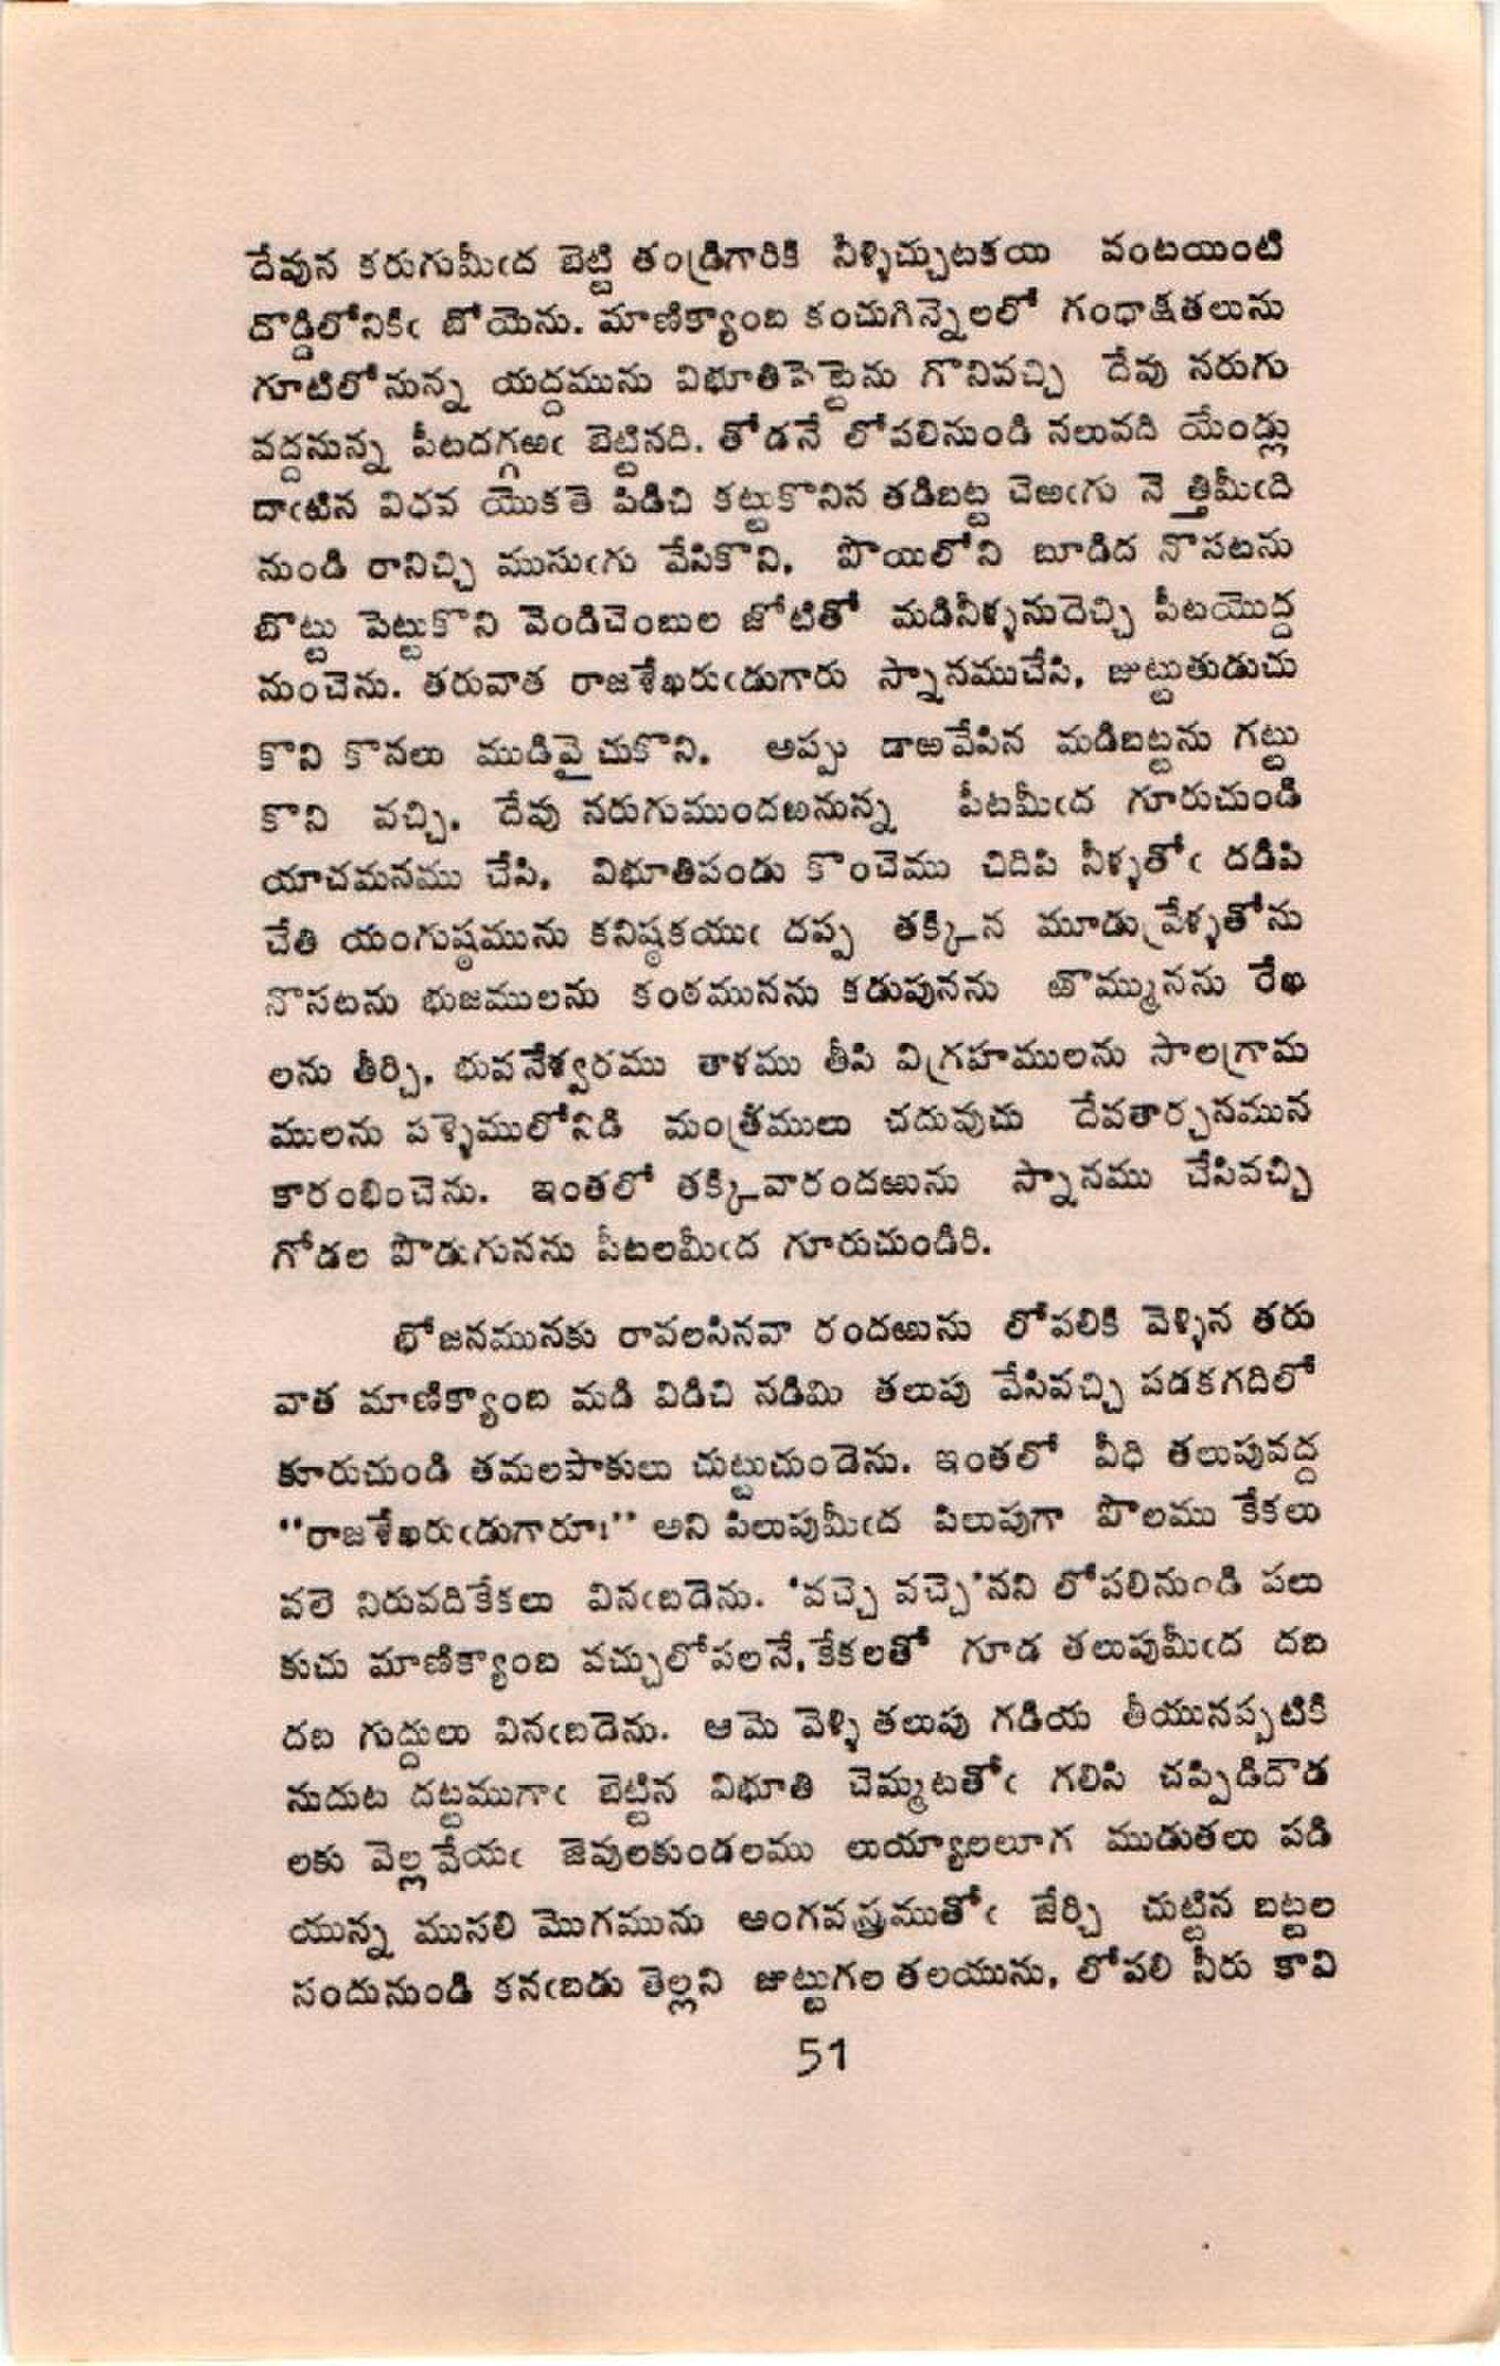దేవున కరుగుమీఁద బెట్టి తండ్రిగారికి నీళ్ళిచ్చుటకయి వంటయింటి దొడ్డిలోనికిఁ బోయెను. మాణిక్యాంబ కంచుగిన్నెలలో గంధాక్షతలను గూటిలోనున్న యద్దమును విభూతిపెట్టెను గొనివచ్చి దేవు నరుగు వద్దనున్న పీటదగ్గఱఁ బెట్టినది. తోడనే లోపలినుండి నలువది యేండ్లు దాఁటిన విధవ యొకతె పిడిచి కట్టుకొనిన తడిబట్ట చెఱఁగు నెత్తిమీఁది నుండి రానిచ్చి మునుఁగు వేసికొని, పొయిలోని బూడిద నొసటను బొట్టు పెట్టుకొని వెండిచెంబుల జోటితో మడినీళ్ళనుదెచ్చి పీట యొద్ద నుంచెను. తరువాత రాజశేఖరుఁడుగారు స్నానముచేసి, జుట్టుతుడుచు కొని కొనలు ముడివైచుకొని, అప్ప డాఱవేపిన మడిబట్టను గట్టు కొని వచ్చి, దేవు నరుగుముందఱనున్న పీటమీఁద గూరుచుండి యాచమనము చేసి, విభూతిపండు కొంచెము చిదిపి నీళ్ళతో దడిపి చేతి యంగుష్టమును కనిష్టకయుఁ దప్ప తక్కిన మూడువేళ్ళతోను నొసటను భుజములను కంఠమునను కడుపునను ఱొమ్మునను రేఖ లను తీర్చి, భువనేశ్వరము తాళము తీసి విగ్రహములను సాలగ్రామ ములను పళ్ళెములోనిడి మంత్రములు చదువుచు దేవతార్చనమున కారంభించెను. ఇంతలో తక్కివారందఱును స్నానము చేసివచ్చి గోడల పొడుగునను పీటలమీఁద గూరుచుండిరి.

భోజనమునకు రావలసినవా రందఱును లోపలికి వెళ్ళిన తరు వాత మాణిక్యాంబ మడి విడిచి నడిమి తలుపు వేసివచ్చి పడకగదిలో కూరుచుండి తమలపాకులు చుట్టుచుండెను. ఇంతలో వీధి తలుపు వద్ద "రాజశేఖరుడుగారూ" అని పిలుపుమీఁద పిలుపుగా పొలము కేకలు వలె నిరువది కేకలు వినఁబడెను. 'వచ్చె వచ్చె'నని లోపలినుండి పలు కుచు మాణిక్యాంబ వచ్చులోపలనే, కేకలతో గూడ తలుపుమీఁద దబ దబ గుద్దులు వినఁబడెను. ఆమె వెళ్ళి తలుపు గడియ తీయునప్పటికి నుదుట దట్టముగాఁ బెట్టిన విభూతి చెమ్మటతోఁ గలిసి చప్పిడిదౌడ లకు వెల్లవేయఁ జెవులకుండలము లుయ్యాలలూగ ముడుతలు పడి యున్న ముసలి మొగమును అంగవస్త్రముతోఁ జేర్చి చుట్టిన బట్టల నందునుండి కనఁబడు తెల్లని జుట్టగల తలయును, లోపలి నీరు కావి